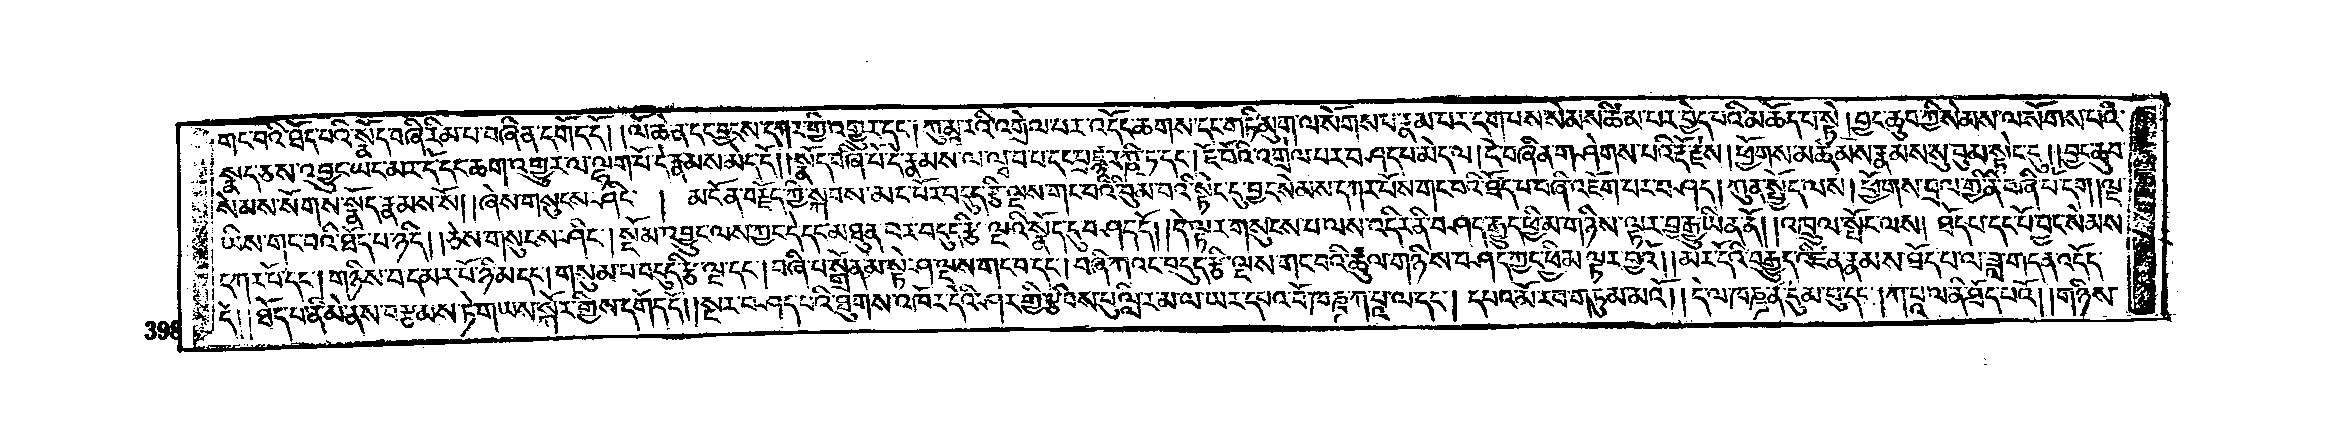གང་བའི་ཐོད་པའི་སྣོད་བཞི་རིམ་པ་བཞིན་དགོད་དོ། །ལོ་ཆེན་དང་ཟངས་དཀར་གྱི་འགྱུར་དང་། ཀུ་མཱ་རའི་འགྲེལ་པར་འདོད་ཆགས་དང་གཏི་མུག་ལ་སོགས་པ་རྣམ་པར་དག་པས་སེམས་ཚིམ་པར་བྱེད་པའི་མཆོད་པ་སྟེ། བྱང་ཆུབ་ཀྱི་སེམས་ལ་སོགས་པའི་
སྣོད་ཅས་འབྱུང་ཡང་མར་དོ་དང་ཆག་འགྱུར་ལ་ལྷག་པོ་དེ་རྣམས་མེད་དོ། །སྣོད་བཞི་པོ་དེ་རྣམས་ལ་ལྭ་བ་པ་དང་པྲཛྙཱ་རཀྵི་ཏ་དང་། ཇོ་བོའི་འགྲེལ་པར་བཤད་པ་མེད་ལ། དེ་བཞིན་གཤེགས་པའི་རྡོ་རྗེས། ཕྱོགས་མཚམས་རྣམས་སུ་བུམ་སྟེང་དུ། །བྱང་ཆུབ་
སེམས་སོགས་སྣོད་རྣམས་སོ། །ཞེས་གསུངས་ཤིང་། མངོན་བརྗོད་ཀྱི་སྐབས་མང་པོར་བདུད་རྩི་ལྔས་གང་བའི་བུམ་པའི་སྟེང་དུ་བྱང་སེམས་དཀར་པོས་གང་བའི་ཐོད་པ་བཞི་འཇོག་པར་བཤད། ཀུན་སྤྱོད་ལས། ཕྱོགས་བྲལ་གྱི་ནི་བཞི་པོ་དག །ལྔ་
ཡིས་གང་བའི་ཐོད་པ་ཉིད། །ཅེས་གསུངས་ཤིང་། སྡོམ་འབྱུང་ལས་ཀྱང་དེ་དང་མཐུན་པར་བདུད་རྩི་ལྔའི་སྣོད་དུ་བཤད་དེ། །དེ་ལྟར་གསུངས་པ་ལས་འདིར་ནི་བཤད་རྒྱུད་ཕྱི་མ་གཉིས་ལྟར་བྱ་རྒྱུ་ཡིན་ནོ། །འཁྲུལ་སྤོང་ལས། ཐོད་པ་དང་པོ་བྱང་སེམས་
དཀར་པོ་དང་། གཉིས་པ་དམར་པོ་ཉི་མ་དང་། གསུམ་པ་བདུད་རྩི་ལྔ་དང་། བཞི་པ་སྒྲོན་མ་སྟེ་ཤ་ལྔས་གང་བ་དང་། བཞི་ཀའང་བདུད་རྩི་ལྔས་གང་བའི་ཚུལ་གཉིས་བཤད་ཀྱང་ཕྱི་མ་ལྟར་བྱའོ། །མར་དོའི་བརྒྱུད་འཛིན་རྣམས་ཐོད་པ་ལ་ཟླ་གདན་འདོད་
དོ། །ཐོད་པ་ནི་མེ་ནས་བརྩམས་ཏེ་གཡས་སྐོར་གྱིས་དགོད་དོ། །སྔར་བཤད་པའི་ཐུགས་འཁོར་དེའི་ཤར་གྱི་རྩིབས་པུ་ལླི་ར་མ་ལ་ཡར་དཔའ་བོ་ཁ་ཎྜ་ཀ་པཱ་ལ་དང་། དཔའ་མོ་རབ་གཏུམ་མའོ། །དེ་ལ་ཁཎྜ་ནི་དུམ་བུ་དང་། ཀ་པཱ་ལ་ནི་ཐོད་པའོ། །གཉིས་